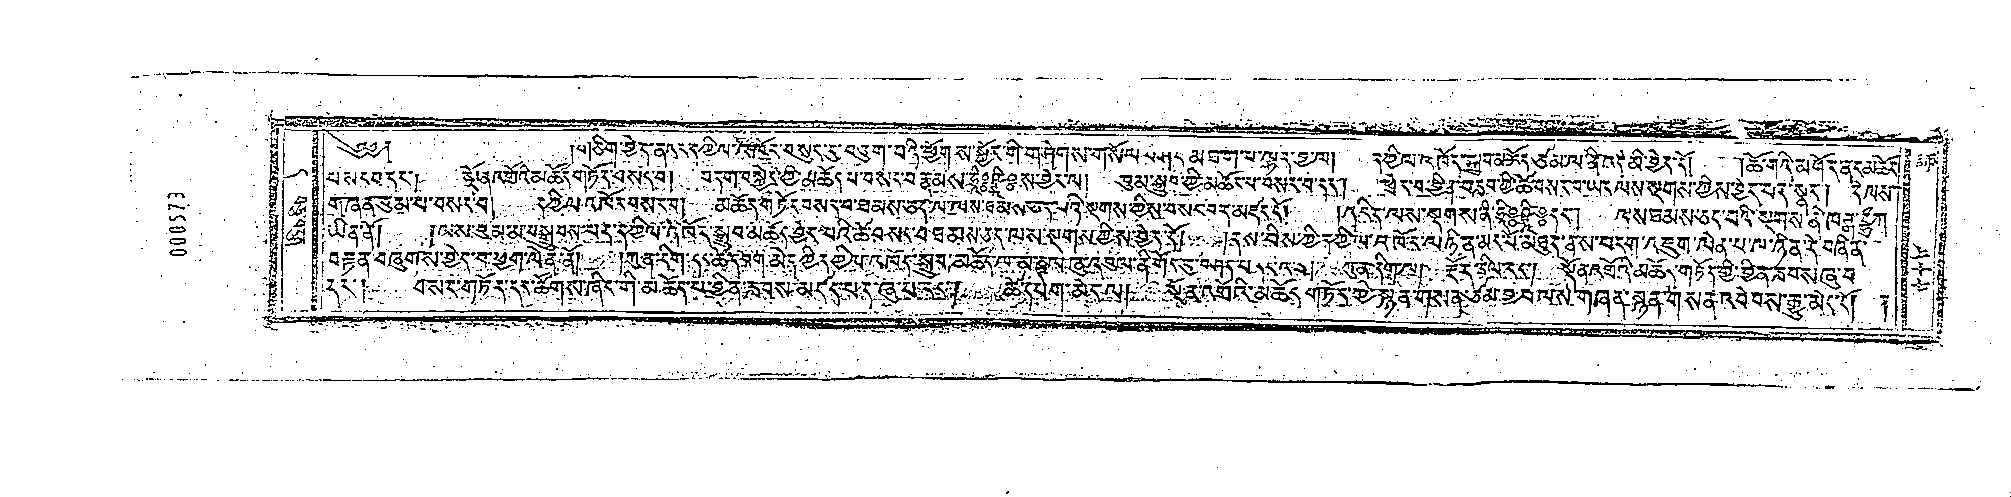༄༅། །གཅིག་བྱེད་ནའང་དཀྱིལ་འཁོར་བསྲུང་དུ་བཅུག་པའི་ཕྱོགས་སྐྱོང་གི་གཤེགས་གསོལ་བཤད་མ་ཐག་པ་ལྟར་བྱ་ལ། དཀྱིལ་འཁོར་སྒྲུབ་མཆོད་ཙམ་ལ་ནི་འདི་མི་བྱེད་དོ། །ཆོ་གའི་མགོད་ནང་མཆོད་
བསང་བ་དང་། སྔོན་འགྲོའི་མཆོད་གཏོར་བསད་བ། བདག་བསྐྱེད་ཀྱི་མཆོད་པ་བསང་བ་རྣམས་ཧྲཱིཿ་ཥྚྲཱིཿ་ས་བྱེད་ལ། བུམ་སྒྲུབ་ཀྱི་མཆོད་པ་བསང་བ་དང་། ཕྲེང་བ་བྱིན་བརླབ་ཀྱི་ཚེ་བསང་བ་ཡང་ལས་སྔགས་ཀྱིས་བྱེད་པར་སྣང་། དེ་ལས་
གཞན་བུམ་པ་བསང་བ། དཀྱིལ་འཁོར་བསང་བ། མཆོད་གཏོར་བསང་བ་ཐམས་ཅད་ལ་ལས་ཐམས་ཅད་པའི་སྔགས་ཀྱིས་བསང་བར་མཛད་དོ། །འདིར་ལས་སྔགས་ནི་ཧྲཱིཿ་ཥྚྲཱིཿ་དང་། ལས་ཐམས་ཅད་པའི་སྔགས་ནི་ཁཊྒ་དྷྲྀ་ཀ་
ཡིན་ནོ། །ལས་བུམ་མ་བསྒྲུབས་པར་དཀྱིལ་འཁོར་སྒྲུབ་མཆོད་བྱེད་པའི་ཚེ་བསད་བ་ཐམས་ཅད་ལས་སྔགས་ཀྱིས་བྱེད་དོ། །རས་བྲིས་ཀྱི་དཀྱིལ་འཁོར་ལ་ཉིན་མང་པོ་མཐུད་ནས་བདག་འཇུག་ལེན་པ་ལ་ཉིན་རེ་བཞིན་
བརྟན་བཞུགས་བྱེད་བ་ཕྱག་ལེན་ནོ། །ཀུན་རིག་དང་ཚེ་དཔག་མེད་ཀྱི་དཀྱིལ་འཁོར་སྒྲུབ་མཆོད་ལ་མཎྜལ་ཞུ་འབུལ་ནི་གོང་དུ་བཤད་པ་དང་འདྲ། ཀུན་རིག་ལ། རྡོར་དྲིལ་དང་། སྔོན་འགྲོའི་མཆོད་གཏོར་གྱི་བྱིན་རླབས་ཞུ་བ་
དང་། བསང་གཏོར་དང་ཚོགས་ཞིང་གི་མཆོད་པ་བྱིན་རླབས་མཛད་པར་ཞུ་བ་དང་། ཚེ་དཔག་མེད་ལ། སྔོན་འགྲོའི་མཆོད་གཏོར་གྱི་སྙན་གསན་ཙམ་བྱ་བ་ལས་གཞན་སྙན་གསན་འབེབས་རྒྱུ་མེད་དོ། །